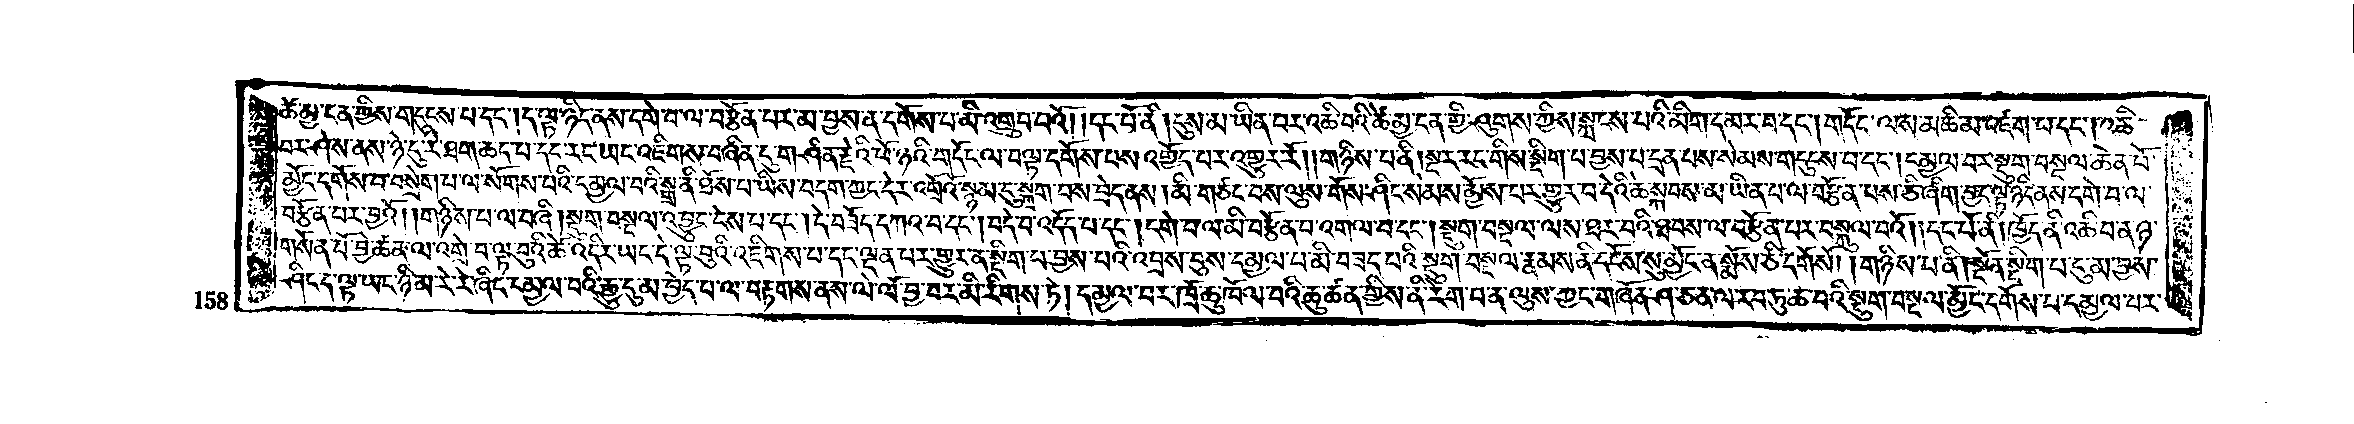ཚེ་མྱ་ངན་གྱིས་གདུངས་པ་དང་། ད་ལྟ་ཉིད་ནས་དགེ་བ་ལ་བརྩོན་པར་མ་བྱས་ན་དགོས་པ་མི་འགྲུབ་པའོ། །དང་པོ་ནི། དུས་མ་ཡིན་པར་འཆི་བའི་ཚེ་མྱ་ངན་གྱི་ཤུགས་ཀྱིས་སྐྲངས་པའི་མིག་དམར་བ་དང་། གདོང་ལས་མཆི་མ་འཛག་པ་དང་། འཆི་
བར་ཤེས་ནས་ཉེ་དུ་རི་ཐག་ཆད་པ་དང་རང་ཡང་འཇིགས་བཞིན་དུ་གཤིན་རྗེའི་ཕོ་ཉའི་གདོང་ལ་བལྟ་དགོས་པས་འགྱོད་པར་འགྱུར་རོ། །གཉིས་པ་ནི། སྔར་རང་གིས་སྡིག་པ་བྱས་པ་དྲན་པས་སེམས་གདུངས་པ་དང་། དམྱལ་བར་སྡུག་བསྔལ་ཆེན་པོ་
མྱོང་དགོས་པ་བསྲེག་པ་ལ་སོགས་པའི་དམྱལ་བའི་སྒྲ་ནི་ཐོས་པ་ཡིས་བདག་ཀྱང་དེར་འགྲོའོ་སྙམ་དུ་སྐྲག་པས་བྲེད་ནས། མི་གཙང་བས་ལུས་གོས་ཤིང་སེམས་མྱོས་པར་གྱུར་པ་དེའི་ཆེ་སྐབས་མ་ཡིན་པ་ལ་བརྩོན་པས་ཅི་ཞིག་བྱ་ད་ལྟ་ཉིད་ནས་དགེ་བ་ལ་
བརྩོན་པར་བྱའོ། །གཉིས་པ་ལ་བཞི། སྡུག་བསྔལ་འབྱུང་ངེས་པ་དང་། དེ་བཟོད་དཀའ་བ་དང་། བདེ་བ་འདོད་པ་དང་། དགེ་བ་ལ་མི་བརྩོན་པ་འགལ་བ་དང་། སྡུག་བསྔལ་ལས་ཐར་པའི་ཐབས་ལ་བརྩོན་པར་བསྐུལ་བའོ། །དང་པོ་ནི། ཁྱོད་ནི་འཆི་བ་ན་ཉ་
གསོན་པོ་བྱེ་ཚན་ལ་འགྲེ་བ་ལྟ་བུའི་ཚེ་འདིར་ཡང་དེ་ལྟ་བུའི་འཇིགས་པ་དང་ལྡན་པར་གྱུར་ན་སྡིག་པ་བྱས་པའི་འབྲས་བུས་དམྱལ་བ་མི་བཟད་པའི་སྡུག་བསྔལ་རྣམས་ནི་དངོས་སུ་མྱོང་ནས་སྨོས་ཅི་དགོས་སོ། །གཉིས་པ་ནི། སྔོན་སྡིག་པ་དུ་མ་བྱས་
ཤིང་ད་ལྟ་ཡང་ཉི་མ་རེ་རེ་ཞིང་དམྱལ་བའི་རྒྱུ་དུ་མ་བྱེད་པ་ལ་བརྟགས་ནས་ལེ་ལོ་བྱ་བར་མི་རིགས་ཏེ། དམྱལ་བར་ཁྲོ་ཆུ་ཁོལ་བའི་ཆུ་ཚན་གྱིས་ནི་རེག་པ་ན་ལུས་ཀྱང་གཞོན་ཤ་ཅན་ལ་རབ་ཏུ་ཚ་བའི་སྡུག་བསྔལ་མྱོང་དགོས་པ་དམྱལ་བར་